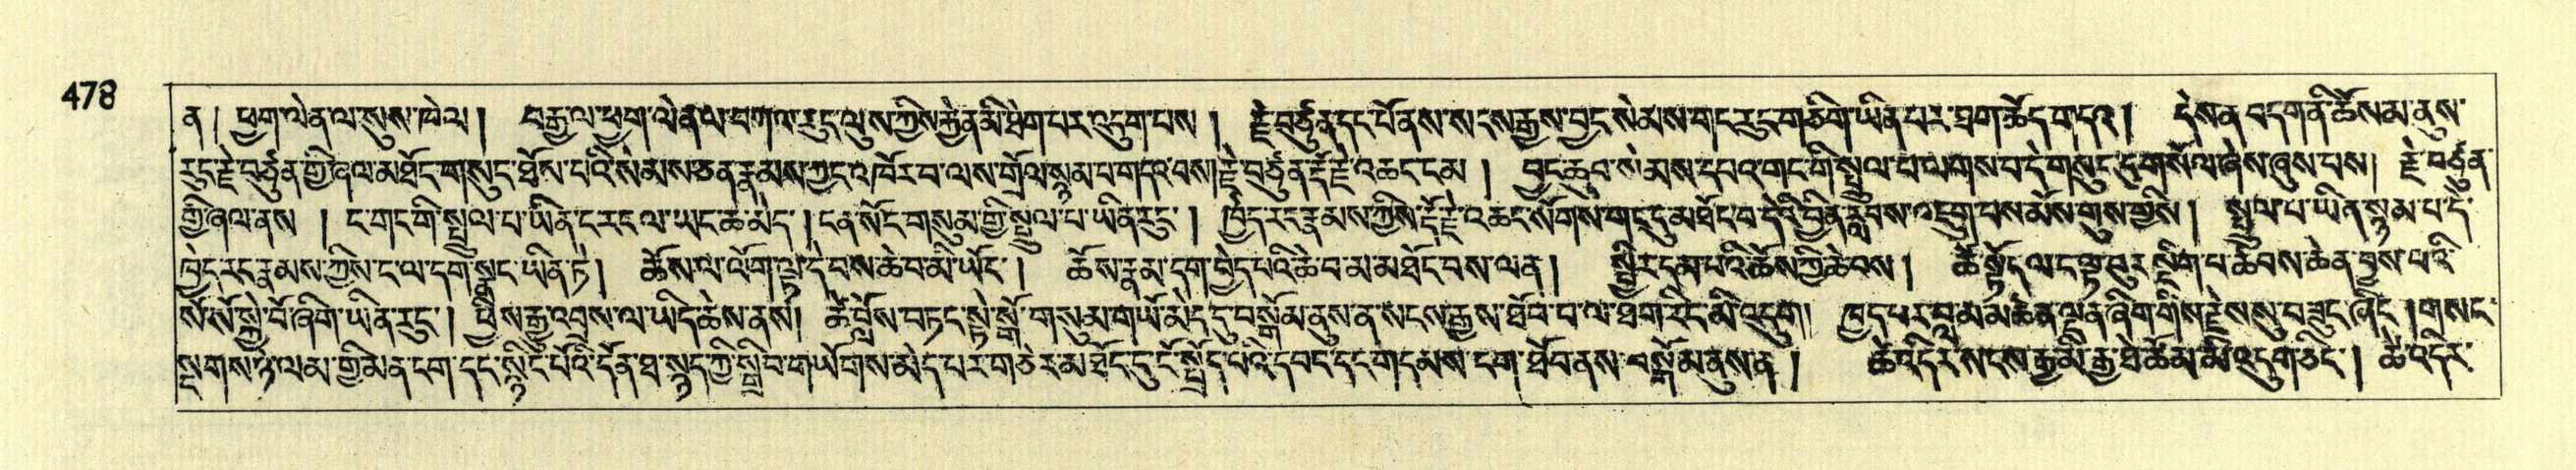ན། ཕྱག་ལེན་ལ་སུས་ཁེལ། བརྒྱ་ལ་ཕྱག་ལེན་ལ་བཀའ་རུང་ལུས་ཀྱིས་རྐྱེན་མི་ཐེག་པར་འདུག་པས། རྗེ་བཙུན་དང་པོ་ནས་སངས་རྒྱས་བྱང་སེམས་གང་རུང་གཅིག་ཡིན་པར་ཐག་ཆོད་གདའ། དེས་ན་བདག་ནི་ཆོས་མ་ནུས་
རུང་རྗེ་བཙུན་གྱི་ཞལ་མཐོང་གསུང་ཐོས་པའི་སེམས་ཅན་རྣམས་ཀྱང་འཁོར་བ་ལས་གྲོལ་སྙམ་པ་གདའ་བས། རྗེ་བཙུན་རྡོ་རྗེ་འཆང་ངམ། བྱང་ཆུབ་སེམས་དཔའ་གང་གི་སྤྲུལ་པ་ལགས་པ་དེ་གསུང་དུ་གསོལ་ཞེས་ཞུས་པས། རྗེ་བཙུན་
གྱི་ཞལ་ནས། ང་གང་གི་སྤྲུལ་པ་ཡིན་ང་རང་ལ་ཡང་ཆ་མེད། ངན་སོང་གསུམ་གྱི་སྤྲུལ་པ་ཡིན་རུང་། ཁྱེད་རང་རྣམས་ཀྱིས་རྡོ་རྗེ་འཆང་སོགས་གང་དུ་མཐོང་བ་དེའི་བྱིན་རླབས་འཇུག་པས་མོས་གུས་གྱིས། སྤྲུལ་པ་ཡིན་སྙམ་པ་དེ་
ཁྱེད་རང་རྣམས་ཀྱིས་ང་ལ་དག་སྣང་ཡིན་ཏེ། ཆོས་ལ་ལོག་ལྟ་དེ་བས་ཆེ་བ་མི་ཡོང་། ཆོས་རྣམས་དག་བྱེད་པའི་ཆེ་བ་མ་མཐོང་བས་ལན། སྤྱིར་དམ་པའི་ཆོས་ཀྱི་ཆེ་བས། ཚེ་སྟོད་ལང་ལྟ་བུར་སྡིག་པ་ཚབས་ཆེན་བྱས་པའི་
སོ་སོ་སྐྱེ་བོ་ཞིག་ཡིན་རུང་། ཕྱིས་རྒྱུ་འབྲས་ལ་ཡིད་ཆེས་ནས། ཚེ་བློས་བཏང་སྟེ་སྒོ་གསུམ་གཡོ་མེད་དུ་བསྒོམ་ནུས་ན་སངས་རྒྱས་ཐོབ་པ་ལ་ཐག་རིང་མི་འདུག། ཁྱད་པར་བླ་མ་མཚན་ལྡན་ཞིག་གིས་རྗེས་སུ་བཟུང་ཞིང་།གསང་
སྔགས་ཉེ་ལམ་གྱི་མན་ངག་དང་སྙིང་པོའི་དོན་ཐ་སྙད་ཀྱི་སྒྲིབ་གཡོགས་མེད་པར་གཅེར་མཐོང་དུ་ངོ་སྤྲོད་པའི་དབང་དང་གདམས་ངག་ཐོབ་ནས་བསྒོམ་ནུས་ན། ཚེ་འདིར་སངས་རྒྱ་མི་རྒྱ་ཐེ་ཚོམ་མི་འདུག་ཅིང་། ཚེ་འདིར་